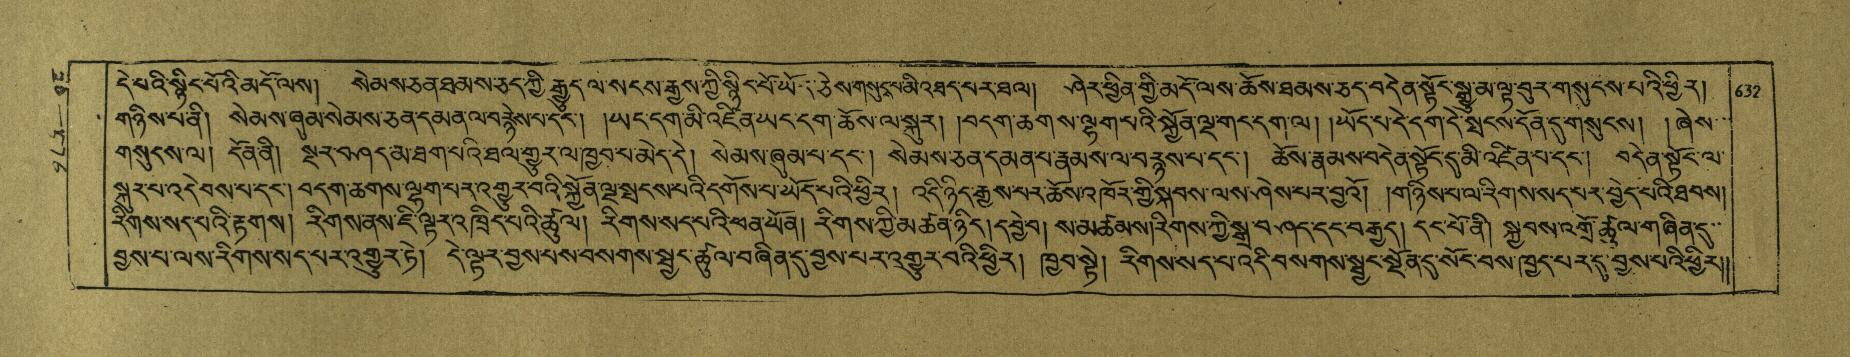དེ་པའི་སྙིང་པོའི་མདོ་ལས། སེམས་ཅན་ཐམས་ཅད་ཀྱི་རྒྱུད་ལ་སངས་རྒྱས་ཀྱི་སྙིང་པོ་ཡོད་ཅེས་གསུངས་པ་མི་འཐད་པར་ཐལ། ཤེར་ཕྱིན་གྱི་མདོ་ལས་ཆོས་ཐམས་ཅད་བདེན་སྟོང་སྒྱུ་མ་ལྟ་བུར་གསུངས་པའི་ཕྱིར།
གཉིས་པ་ནི། སེམས་ཞུམ་སེམས་ཅན་དམན་ལ་བརྙེས་པ་དང་། །ཡང་དག་མི་འཛིན་ཡང་དག་ཆོས་ལ་སྐུར། །བདག་ཆགས་ལྷག་པའི་སྐྱོན་ལྔ་གང་དག་ལ། །ཡོད་པ་དེ་དག་དེ་སྤངས་དོན་དུ་གསུངས། །ཞེས་
གསུངས་ལ། དོན་ནི། སྔར་བཤད་མ་ཐག་པའི་ཐལ་གྱུར་ལ་ཁྱབ་པ་མེད་དེ། སེམས་ཞུམ་པ་དང་། སེམས་ཅན་དམན་པ་རྣམས་ལ་བརྙས་པ་དང་། ཆོས་རྣམས་བདེན་སྟོང་དུ་མི་འཛིན་པ་དང་། བདེན་སྟོང་ལ་
སྐུར་པ་འདེབས་པ་དང་། བདག་ཆགས་ལྷག་པར་འགྱུར་བའི་སྐྱོན་ལྔ་སྤངས་པའི་དགོས་པ་ཡོད་པའི་ཕྱིར། འདི་ཉིད་རྒྱས་པར་ཆོས་འཁོར་གྱི་སྐབས་ལས་ཤེས་པར་བྱའོ། །གཉིས་པ་ལ་རིགས་སད་པར་བྱེད་པའི་ཐབས།
རིགས་སད་པའི་རྟགས། རིགས་ནས་ཇི་ལྟར་འཁྲིད་པའི་ཚུལ། རིགས་སད་པའི་ཕན་ཡོན། རིགས་ཀྱི་མཚན་ཉིད། དབྱེ་བ། ས་མཚམས་།རིགས་ཀྱི་སྒྲ་བཤད་དང་བརྒྱད། དང་པོ་ནི། སྐྱབས་འགྲོ་ཚུལ་གཞིན་དུ་
བྱས་པ་ལས་རིགས་སད་པར་འགྱུར་ཏེ། དེ་ལྟར་བྱས་པས་བསགས་སྦྱང་ཚུལ་བཞིན་དུ་བྱས་པར་འགྱུར་བའི་ཕྱིར། ཁྱབ་སྟེ། རིགས་སད་པ་འདི་བསགས་སྦྱང་སྔོན་དུ་སོང་བས་ཁྱད་པར་དུ་བྱས་པའི་ཕྱིར།།